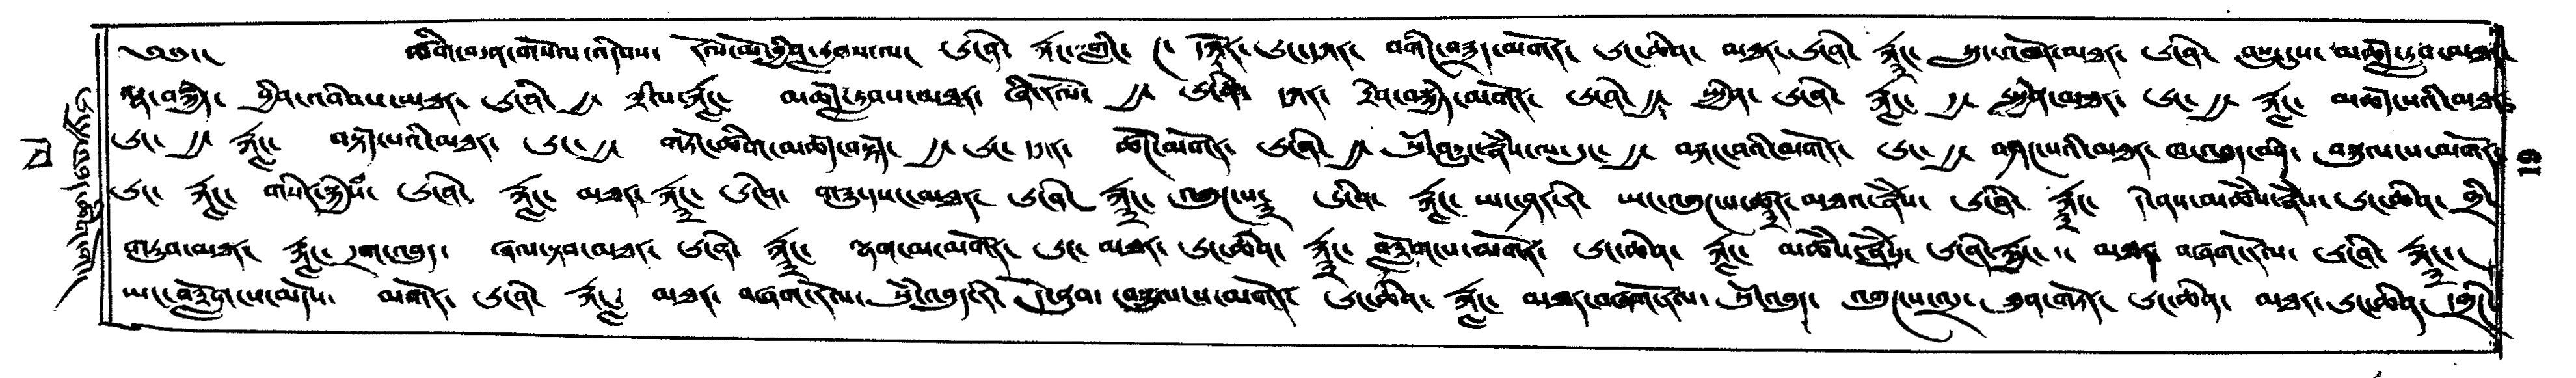༈ སེང་གདོང་གཏོར་བཟློག་གི་དུང་རྒྱ་འབུད་ཚུལ། ཚིག་བདུན་གསོལ་འདེབས། རོལ་མོ་བྱིན་རླབས་ལ། དུང་ཆེན། རྐང་གླིང་། ཌཱ། དཀོར་གཏོམ་དུང་དཀར། བགེགས་བསྐྲད་མགོར་དུང་ཆེན། མཐར་དུང་ཆེན། རྐང་གསུམ། སྲུང་འཁོར་མཐར་དུང་ཆེན། བསྡུ་དུས་ མཆོད་རླབ་མཐར་
ལྷ་བསྐྱེད། བྱིན་འབེབས་མཐར། དུང་ཆེན། རྒྱ། ཟིལ་རྐང་བཞི། མཆོད་རླབས་མཐར་ཞི་རོལ། རྒྱ། དུང་ཆེན། དཀར། རྟེན་བསྐྱེད་འགོར། དུང་ཆེན། རྒྱ། སྤྱན་འདྲེན། དུང་ཆེན། རྐང་བཞི། རྒྱ། སྤྱན་འདྲེན་མཐར། དུང་། རྒྱ། རྐང་བཞི། མཆོད་པའི་མཐར༴ 
དུང་། རྒྱ། རྐང་བཞི། བསྟོད་པའི་མཐར། དུང་རྒྱ། སྟོང་ཚིག་མཆོད་བསྟོད། རྒྱ་དུང་དཀར། ཚོགས་འགོར། དུང་ཆེན། རྒྱ། སུམ་བརྡུང་རྣམས་ལ། དུང་། རྒྱ། བསྐང་བའི་འགོར། དུང་། རྒྱ། བཤགས་པའི་མཐར་ཁ་འབུད་མེད། བསྐུལ་པའི་མགོར༴ 
དུང་། རྐང་བཞི། གསེར་སྐྱེམས། དུང་ཆེན། རྐང་བཞི། མཐར་རྐང་། དུང་ཆེན། གཟུ་དཔང་མཐར་དུང་ཆེན། རྐང་གསུམ། འགུགས་པ་ལན་གསུམ། དུང་ཆེན། རྐང་བཞི། ཡང་ཤར་རེ། ཡང་འགུགས་པ་ཚར་གསུམ། མཐའ་རྣམས་དུང་ཆེན། རྐང་གསུམ། དེ་ནས་མཚམས་རྣམས་སུ་དུང་ཆེན། གྲིས་
བཏུབ་མཐར་རྐང་བཞི་དྲག་འབུད། ཞལ་སྟབ་མཐར། དུང་ཆེན། རྐང་གསུམ། ལྷག་མའི་འགོར་དུང་མཐར་དུང་ཆེན། རྐང་གསུམ། བཟློག་པ་འགོར། དུང་ཆེན། རྐང་བཞི། མཚམས་རྣམས་སུ། དུང་ཆེན་རྐྱང་པ། མཐར་ བཞག་རོལ། དུང་ཆེན། རྐང་
གསུམ་ཡང་བཟློག་པ་མདོས་འགོར། དུང་ཆེན།རྐང་བཞི། མཐར། བཞག་རོལ། སུམ་འབུད་རེ། དེ་ནུབ་བསྐུལ་པ་འགོར། དུང་ཆེན། རྐང་བཞི། མཐར་བཞག་རོལ། སུམ་འབུད། འགུགས་པ་འདྲ། ཐུན་གཏོར། དུང་ཆེན། མཐར་དུང་ཆེན། དགྲ་བགེགས་